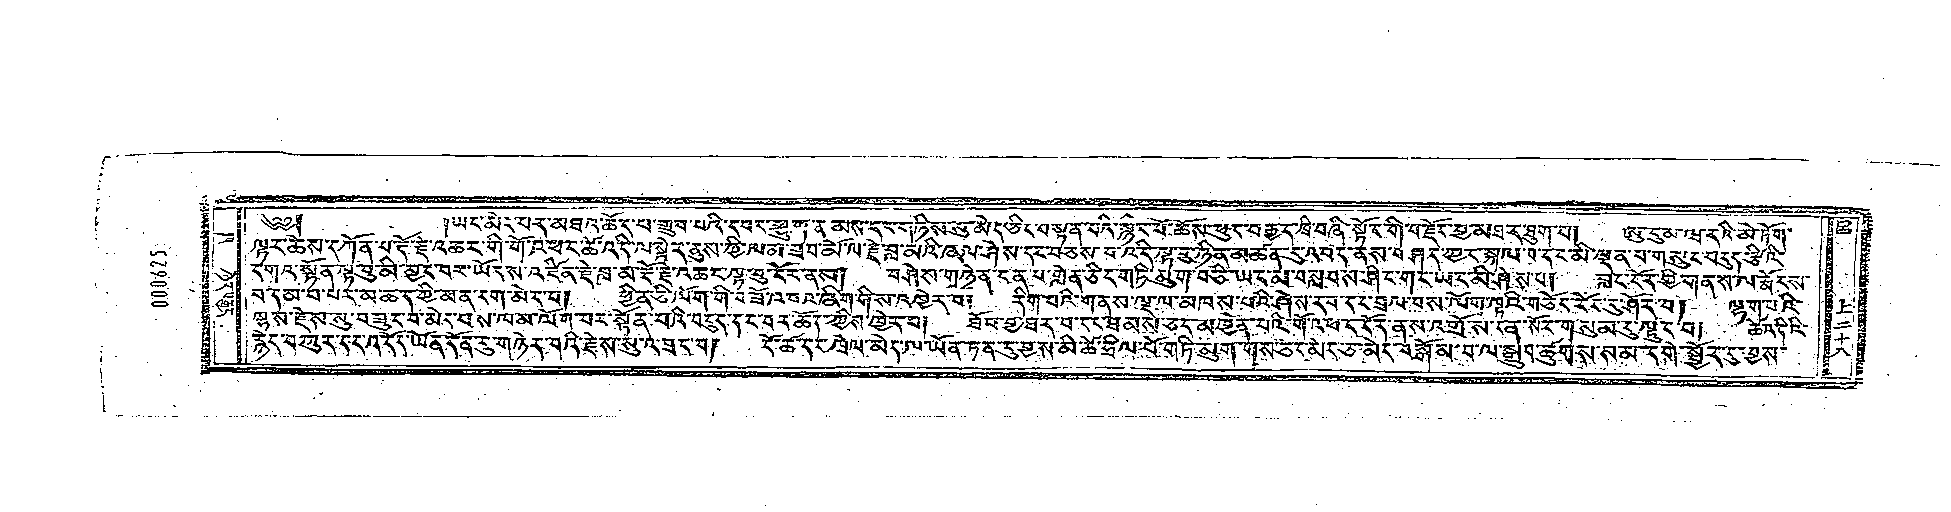༄༅། །ཡང་མེད་པར་མཐའ་ཆོད་པ་གྲུབ་པའི་དབང་ཕྱུག་ནམས་དང་གཉིས་སུ་མེད་ཅིང་བསྟན་པའི་སྙིང་པོ་ཆོས་ཕུང་བརྒྱད་ཁྲི་བཞི་སྟོང་གི་བརྗོད་བྱ་མཐར་ཐུག་པ། ཨུ་དུམ་ཝ་རའི་མེ་ཏོག་
ལྟར་ཆོས་དཀོན་པ་རྡོ་རྗེ་འཆང་གི་གོ་འཕང་ཚེ་འདི་ལ་སྟེར་ནུས་ཀྱི་ལམ་ཟབ་མོ་ལ་རྗེ་བླ་མའི་ཞལ་ཤེས་དང་བཅས་པ་འདི་ལྟ་བུ་ཉིན་མཚན་དུ་འབད་ནས་བཤད་ཀྱང་སྐལ་བ་དང་མི་ལྡན་པ་གསུང་བདུད་རྩིའི་
དགའ་སྟོན་ལྟ་བུ་མི་མྱང་བར་ཡོངས་འཛིན་རྗེ་བླ་མ་རྡོ་རྗེ་འཆང་ལྟ་བུ་དོར་ནས། བཤེས་གཉེན་ངན་པ་གླེན་ཅིང་གཏི་མུག་པ་ཅི་ཡང་མ་བསླབས་ཤིང་གང་ཡང་མི་ཤེས་པ། བླང་དོར་གྱི་གནས་ལ་རྨོངས་
བ་དམ་པ་པར་མ་ཆད་ཀྱི་མན་ངག་མེད་པ། ཕྱིན་ཅི་ལོག་གི་བཟོ་འབའ་ཞིག་གིས་འཁྱེར་བ། རིག་པའི་གནས་ལྔ་ལ་མཁས་པའི་ཤེས་རབ་དང་བྲལ་བས་ལོག་ལྟའི་གཅོང་རོང་དུ་ཤོར་བ། ལྷག་པའི་
ལྷས་རྗེས་སུ་བཟུང་བ་མེད་པས་ལམ་ལོག་པར་སྟོན་པའི་བདུད་དང་བར་ཆོད་ཀྱིས་ཁྱེར་བ། ཐོབ་བྱ་ཐར་བ་དང་ཐམས་ཅད་མཁྱེན་པའི་གོ་འཕང་དོར་ནས་འགྲོ་ས་ངན་སོང་གསུམ་དུ་ལྟུང་བ། ཚེ་འདིའི་
རྙེད་བཀུར་དང་འདོད་ཡོན་དོན་དུ་གཉེར་བའི་རྗེས་སུ་འབྲང་བ། ངོ་ཚ་དང་ཁྲེལ་མེད་ལ་ཡོན་ཏན་དུ་བྱས་མི་ཚེ་ཧྲིལ་པོ་གཏི་མུག་གས་ཅང་མེད་ཅ་མེད་བསྒོམ་བ་ལ་སྒྲུབ་ཚུགས་སམ་དགེ་སྦྱོར་དུ་བྱས་